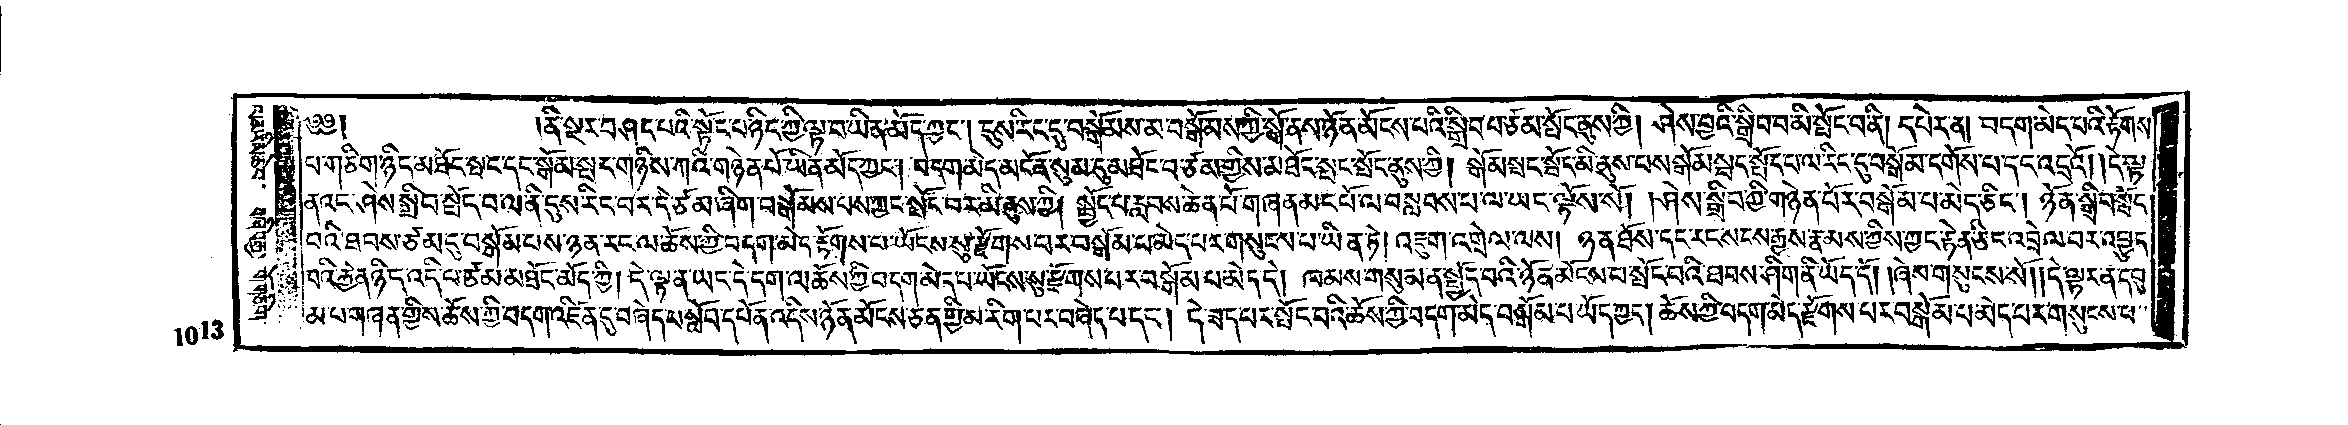༄༅། །ནི་སྔར་བཤད་པའི་སྟོང་པ་ཉིད་ཀྱི་ལྟ་བ་ཡིན་མོད་ཀྱང་། དུས་རིང་དུ་བསྒོམས་མ་བསྒོམས་ཀྱི་སྒོ་ནས་ཉོན་མོངས་པའི་སྒྲིབ་པ་ཙམ་སྤོང་ནུས་ཀྱི། ཤེས་བྱའི་སྒྲིབ་པ་མི་སྤོང་བ་ནི། དཔེར་ན། བདག་མེད་པའི་རྟོགས་
པ་གཅིག་ཉིད་མཐོང་སྤང་དང་སྒོམ་སྤང་གཉིས་ཀའི་གཉེན་པོ་ཡིན་མོད་ཀྱང་། བདག་མེད་མངོན་སུམ་དུ་མཐོང་བ་ཙམ་གྱིས་མཐོང་སྤང་སྤོང་ནུས་ཀྱི། སྒོམ་སྤང་སྤོང་མི་ནུས་པས་སྒོམ་སྤང་སྤོང་བ་ལ་རིང་དུ་བསྒོམ་དགོས་པ་དང་འདྲའོ། །དེ་ལྟ་
ནའང་ཤེས་སྒྲིབ་སྤོང་བ་ལ་ནི་དུས་རིང་བར་དེ་ཙམ་ཞིག་བསྒོམས་པས་ཀྱང་སྤོང་བར་མི་ནུས་ཀྱི། སྤྱོད་པ་རླབས་ཆེན་པོ་གཞན་མང་པོ་ལ་བསླབས་པ་ལ་ཡང་ལྟོས་སོ། །ཤེས་སྒྲིབ་ཀྱི་གཉེན་པོར་བསྒོམ་པ་མེད་ཅིང་། ཉོན་སྒྲིབ་སྤོང་
བའི་ཐབས་ཙམ་དུ་བསྒོམ་པས་ཉན་རང་ལ་ཆོས་ཀྱི་བདག་མེད་རྟོགས་པ་ཡོངས་སུ་རྫོགས་པར་བསྒོམ་པ་མེད་པར་གསུངས་པ་ཡིན་ཏེ། འཇུག་འགྲེལ་ལས། ཉན་ཐོས་དང་རང་སངས་རྒྱས་རྣམས་ཀྱིས་ཀྱང་རྟེན་ཅིང་འབྲེལ་པར་འབྱུང་
བའི་རྐྱེན་ཉིད་འདི་པ་ཙམ་མཐོང་མོད་ཀྱི། དེ་ལྟ་ན་ཡང་དེ་དག་ལ་ཆོས་ཀྱི་བདག་མེད་པ་ཡོངས་སུ་རྫོགས་པར་བསྒོམ་པ་མེད་དེ། ཁམས་གསུམ་ན་སྤྱོད་པའི་ཉོན་མོངས་པ་སྤོང་བའི་ཐབས་ཤིག་ནི་ཡོད་དོ། །ཞེས་གསུངས་སོ། །དེ་ལྟར་ན་དབུ་
མ་པ་གཞན་གྱིས་ཆོས་ཀྱི་བདག་འཛིན་དུ་བཞེད་པ་སློབ་དཔོན་འདིས་ཉོན་མོངས་ཅན་གྱི་མ་རིག་པར་བཞེད་པ་དང་། དེ་ཟད་པར་སྤོང་བའི་ཆོས་ཀྱི་བདག་མེད་བསྒོམ་པ་ཡོད་ཀྱང་། ཆོས་ཀྱི་བདག་མེད་རྫོགས་པར་བསྒོམ་པ་མེད་པར་གསུངས་པ་